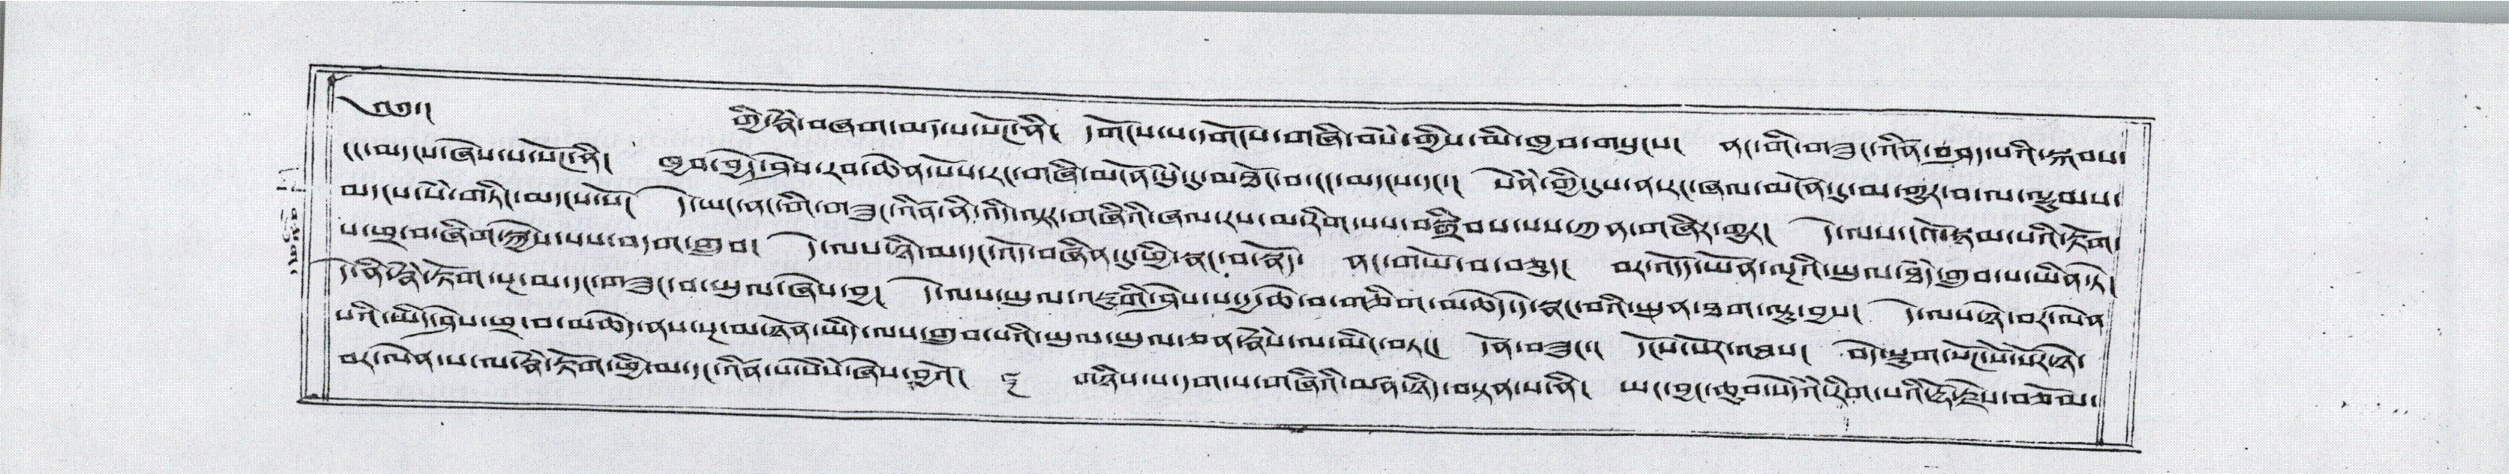གྱི་རྣམ་གཞག་མཛད་པ་སོགས་ནི། དགོངས་པ་དགོངས་གཞི་བསམ་གྱིས་མི་ཁྱབ་གསུངས། ནང་གི་གཟུང་འཛིན་བཤད་པའི་སྐབས་
ངང་མདངས་ཞེས་པ་སོགས་ནི། ཁྱབ་བྱེད་ཤེས་རབ་ཆེན་པོས་རང་གཞི་མངོན་སུམ་དུ་མཐོང་བ་ངང་མདངས་དང་། སེམས་ཅན་གྱི་དུས་ན་རང་ཞལ་མངོན་དུ་མ་གྱུར་པ་ལ་ལྷུམས་
མདངས་སམ་གཏིང་མདངས་སོ། དེ་ཡང་ནང་གི་གཟུང་འཛིན་ནི་འདི་ལྟར་གཞིའི་ཞལ་རས་མ་རིག་པས་བསྒྲིབས་པས་ཀུན་གཞིར་གྱུར། དེ་ལས་ངའོ་སྙམ་པའི་རྟོག་
པ་ཕྲ་བ་ཞིག་སྐྱེས་པས་བདག་གྲུབ། དེ་ལས་ཉི་མ་དང་འོད་བཞིན་དུ་ཕྱི་སྣང་བ་སྣོད། ནང་གཡོ་བ་བཅུད། བར་འདོད་ཡོན་ལྔའི་ཡུལ་ཐམས་ཅད་གྲུབ་པ་ཡིན་ཏེ། 
དེ་ནི་རྣམ་རྟོག་སྔ་མ་དང་གཟུང་བ་ཡུལ་ཞེས་བྱ། དེ་ལས་ཡུལ་འཇུག་གི་ཤེས་པ་རྒྱ་ཆེ་བ་གཅིག་མཆེད་དེ་སྣང་བའི་སྤུན་ཐག་ལྟ་བུ་བྱས། དེ་ལས་ཉེ་བར་ལེན་
པའི་ཡིད་ཤེས་ཕྲ་བ་མཆེད་ནས་སྔ་མ་ཉོན་ཉིད་ལས་གྲུབ་པའི་ཡུལ་ཡུལ་ཅན་རྣམས་ལ་མིང་བཏགས། དོན་བཟུང་དངོས་པོར་འཐས། བདེ་སྡུག་སོགས་སོ་སོར་ཉེ་
བར་ལེན་པ་ལ་རྣམ་རྟོག་ཕྱི་མ་དང་འཛིན་པ་སེམས་ཞེས་བྱའོ།། ༧ གཉིས་པ་དག་པ་གཞིའི་མཚན་ཉིད་བསྟན་པ་ནི། ཡང་བྱང་ཆུབ་སེམས་དཔའི་རིག་པའི་རྡོ་རྗེས་བཅོམ་